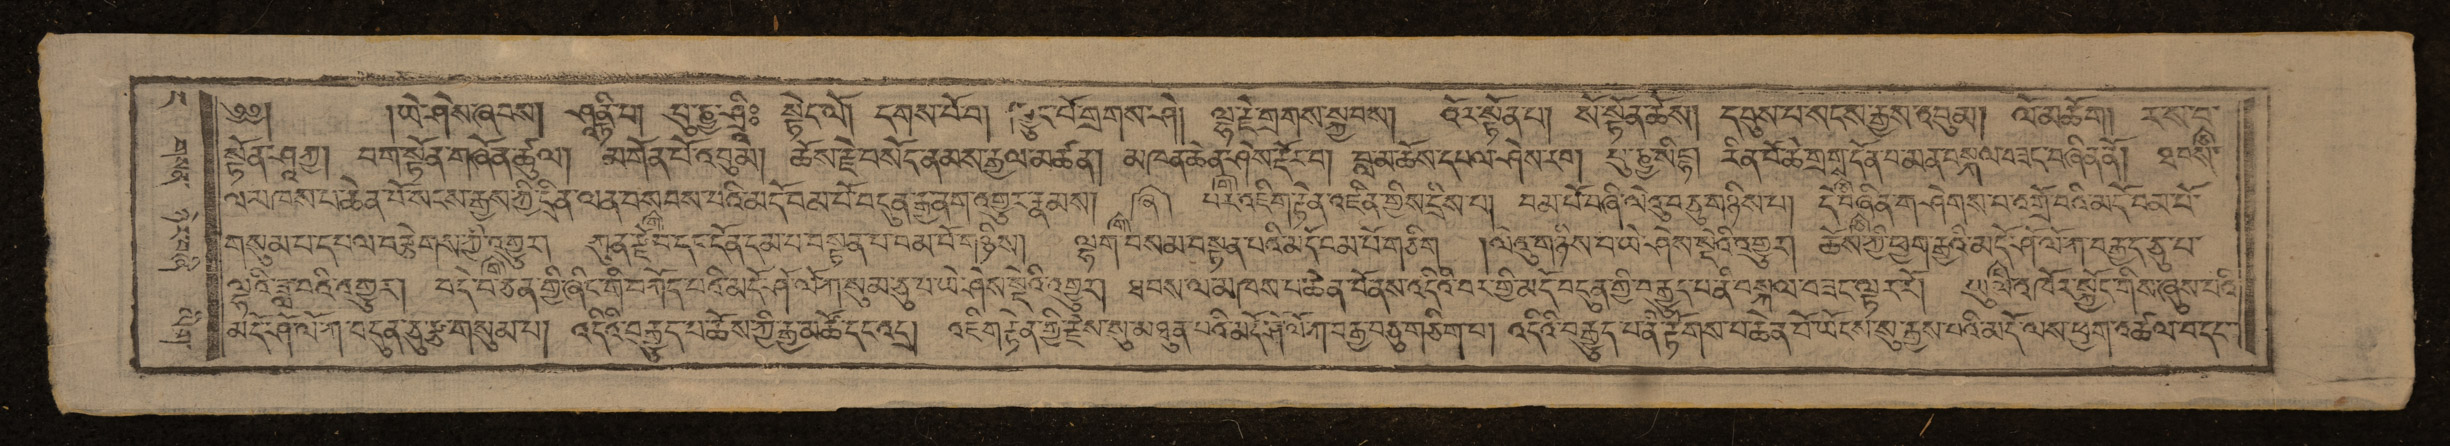༄༅། །ཡེ་ཤེས་ཞབས། ཤཱནྟི་བ། བུ་ཎྱ་ཤྲཱིཿསྟེང་ལོ། དགས་པོ་བ། །བྱུང་བོ་གྲགས་ཤེ། ལྷ་རྗེ་གྲགས་སྐྱབས། འོར་སྟོན་པ། སོ་སྟོན་ཆོས། དབུས་པ་སངས་རྒྱས་འབུམ། ལོ་མཆོག། ར་ས་བ་
སྟོན་ཤཱཀྱ། བག་སྟོན་གཞོན་ཚུལ། མགོན་པོ་འབུམ། ཆོས་རྗེ་བསོད་ནམས་རྒྱལ་མཚན། མཁན་ཆེན་ཤེས་རྡོར་བ། བླ་མ་ཆོས་དཔལ་ཤེས་རབ། དུ་ཎྱ་སི་ངྷ། རིན་པོ་ཆེ་གྲགས་དོན་པ་མན་བསྐལ་བཟང་བཞིན་ནོ། ཐབས་
ལ་མཁས་པ་ཆེན་པོ་སངས་རྒྱས་ཀྱི་དྲིན་ལན་བསྐབས་པའི་མདོ་བམ་པོ་བདུན་རྒྱ་ནག་འགྱུར་རྣམས། {ཞ}་བར་འཇིག་རྟེན་འཛིན་གྱིས་དྲིས་པ། བམ་པོ་བཞི་ལེའུ་བཅུ་གཉིས་པ། དེ་བཞིན་གཤེགས་པ་འགྲོ་བའི་མདོ་བམ་པོ་
གསུམ་པ་དཔལ་བརྩེགས་ཀྱི་འགྱུར། ཀུན་རྫོབ་བ་དང་དོན་དམ་པ་བསྟན་པ་བམ་པོ་གཉིས། ལྷག་བསམ་བསྟན་པའི་མདོ་བམ་པོ་གཅིག། །ལེའུ་གཉིས་པ་ཡེ་ཤེས་སྔའི་འགྱུར། ཆོས་ཀྱི་ཕྱག་རྒྱའི་མདོ་ཤོ་ལོ་ཀ་བརྒྱད་ཅུ་པ་
ལྷའི་ཟླ་བའི་འགྱུར། བདེ་བཅན་གྱི་ཞིང་གི་བཀོད་པའི་མདོ་ཤོ་ལོ་གསུམ་ཅུ་བ་ཡེ་ཤེས་སྡེའི་འགྱུར། ཐབས་ལ་མཁས་པ་ཆེན་པོ་ནས་འདིའི་བར་གྱི་མདོ་བདུན་གྱིས་བརྒྱུད་པ་ནི་བསྐལ་བཟང་ལྟར་རོ། ཡུལ་འཁོར་སྐྱོང་གིས་ཞུས་པའི་
མདོ་ཤོ་ལོ་ག་བདུན་ཅུ་རྩ་གསུམ་པ། འདེའི་བརྒྱུད་པ་ཆོས་ཀྱི་རྒྱ་མཚོ་དང་འདྲ། འཇིག་རྟེན་གྱི་རྗེས་སུ་མཐུན་པའི་མདོ་ཤོ་ལོ་ཀ་བརྒྱ་བཅུ་གཅིག་པ། འདིའི་བརྒྱུད་པ་ནི་རྟོགས་པ་ཆེན་པོ་ཡོངས་སུ་རྒྱས་པའི་མདོ་ལས་ཕྱག་འཚལ་བ་དང་